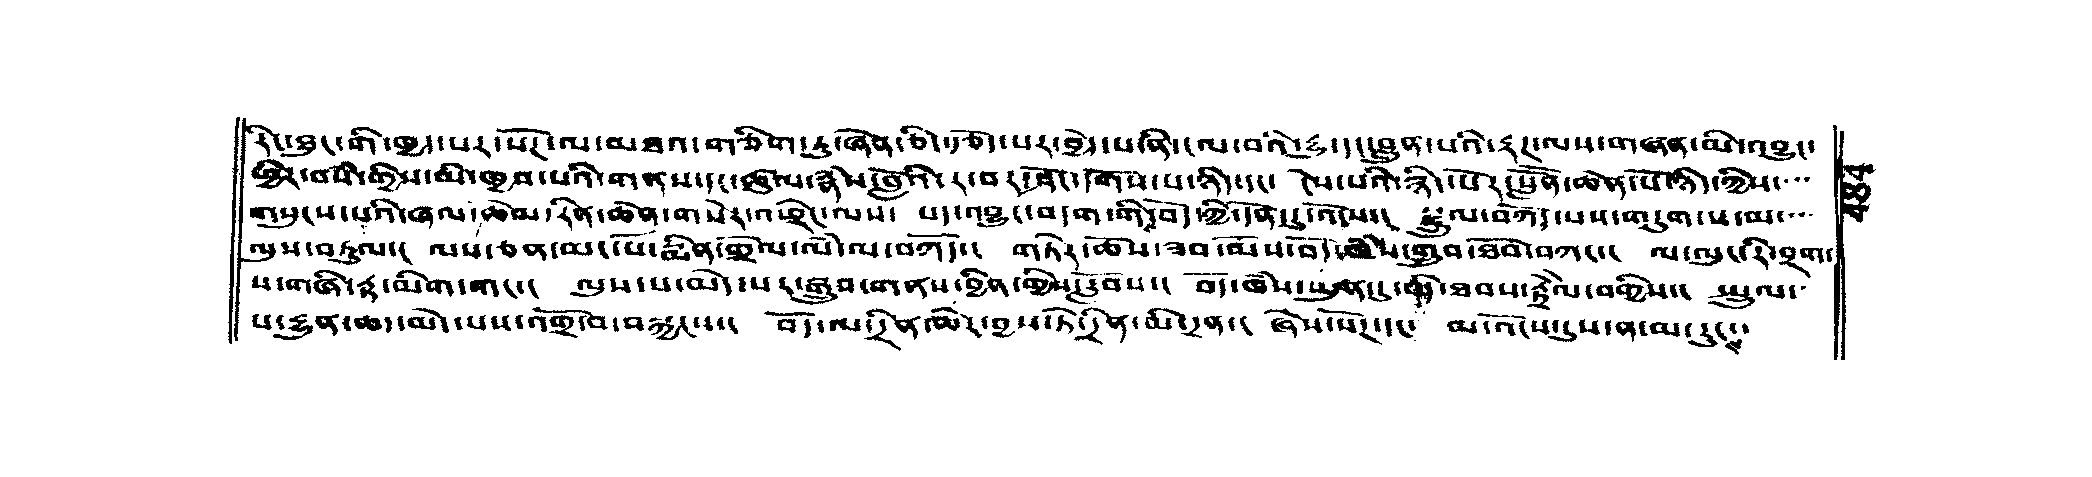རིང་ཐུང་གི་ཁྱད་པར་སོགས་ལ་མཐའ་གཅིག་ཏུ་ཞེན་ཅིང་རྩོད་པར་བྱེད་པ་ནི་ངལ་བའི་རྒྱུ་དང་བླུན་པའི་རྟགས་ལས་གཞན་མི་འབྱུང་
ཕྱིར་བསམ་གྱིས་མི་ཁྱབ་པའི་གནས་དང་ཚུལ་རྣམས་བློའི་ར་བར་ཤོང་དགོས་པ་ཉིད་དང་། ངེས་པའི་སྙིང་པོར་སློབ་དཔོན་ཆེན་པོ་ཉིད་ཀྱིས་
གསུངས་པའི་ཞལ་ཆེམས་རིན་ཆེན་གསེར་འཕྲེང་ལས། པད་འབྱུང་བདག་གིས་བོད་ཀྱི་དོན་དུ་འོངས། །རྫུ་འཕྲུལ་བཀོད་པས་གདུག་པ་མ་
ལུས་བཏུལ། །ལས་ཅན་མང་པོ་སྨིན་གྲོལ་ལམ་ལ་བཀོད། །གཏེར་ཆོས་ཟབ་མོས་བོད་ཁམས་གྲུབ་ཐོབ་བཀང་། །ལ་ལུང་རི་བྲག་
ས་གཞི་རྟ་མིག་གང་། །ལུས་པ་མེད་པར་སྒྲུབ་གནས་བྱིན་གྱིས་བརླབས། །བོད་ཁམས་ཡུན་དུ་བདེ་ཐབས་རྟེན་འབྲེལ་བགྱིས། །སྤྲུལ་
པ་རྒྱུན་ཆད་མེད་པས་འགྲོ་བ་བསྐྱངས། །བོད་ལ་དྲིན་ཆེར་བྱས་ཏེ་དྲིན་མི་དྲན། ཞེས་སོགས་དང་། མ་འོངས་དུས་ན་མ་རུངས་